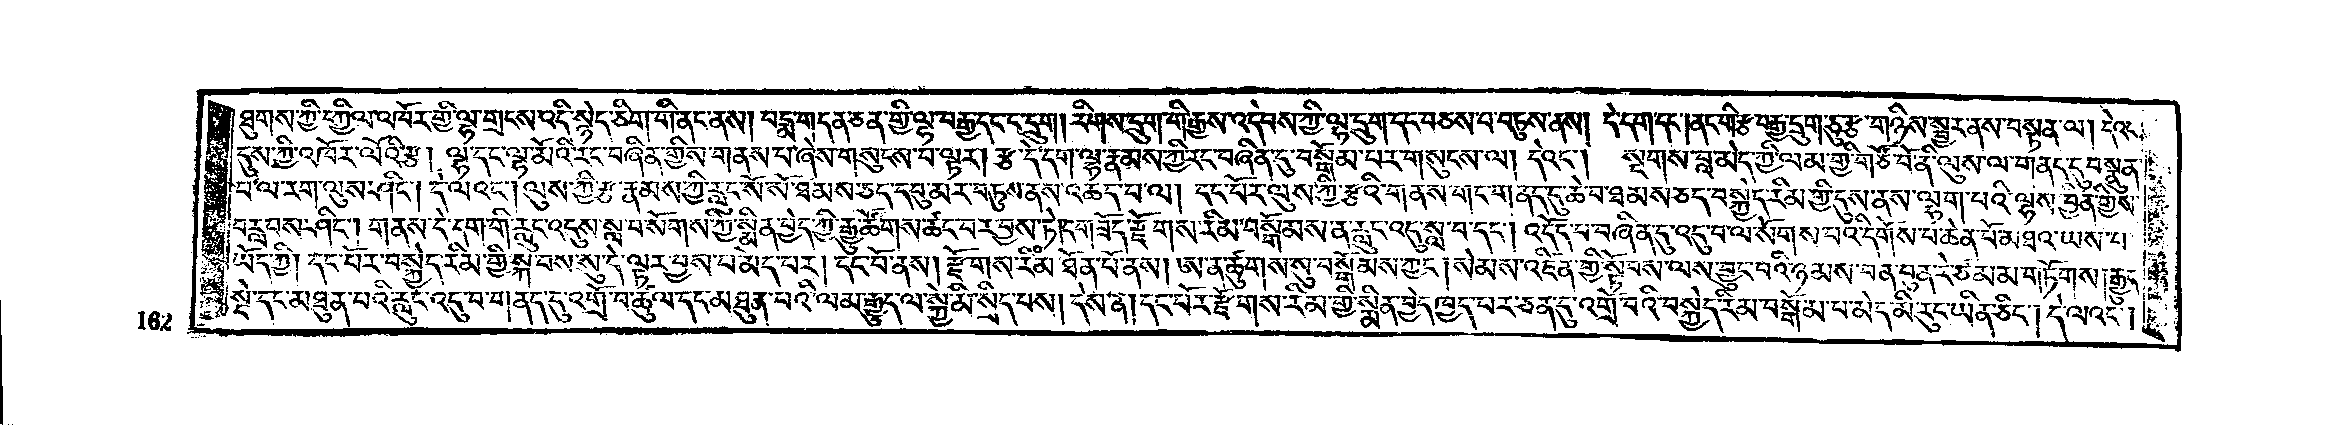ཐུགས་ཀྱི་དཀྱིལ་འཁོར་གྱི་ལྷ་གྲངས་འདི་སྙེད་ཅིག་གི་ནང་ནས། པདམ་གདན་ཅན་གྱི་ལྷ་བརྒྱ་དང་ང་དྲུག། རིགས་དྲུག་གི་རྒྱས་འདེབས་ཀྱི་ལྷ་དྲུག་དང་བཅས་པ་བཏུས་ནས། དེ་དག་དང་། ནང་གི་རྩ་བརྒྱ་དྲུག་ཅུ་རྩ་གཉིས་སྦྱར་ནས་བསྟན་ལ། དེའང་
དུས་ཀྱི་འཁོར་ལོའི་རྩ། ལྷ་དང་ལྷ་མོའི་རང་བཞིན་གྱིས་གནས་པ་ཞེས་གསུངས་པ་ལྟར། རྩ་དེ་དག་ལྷ་རྣམས་ཀྱི་རང་བཞིན་དུ་བསྒོམ་པར་གསུངས་ལ། དེའང་། སྔགས་བླ་མེད་ཀྱི་ལམ་གྱི་གཙོ་བོ་ནི་ལུས་ལ་གནད་དུ་བསྣུན་
པ་ལ་རག་ལུས་ཤིང་། དེ་ལའང་། ལུས་ཀྱི་རྩ་རྣམས་ཀྱི་རླུང་སོ་སོ་ཐམས་ཅད་དབུ་མར་བཏུས་ནས་འཆད་པ་ལ། དང་པོར་ལུས་ཀྱི་རྩའི་གནས་གང་གནད་དུ་ཆེ་བ་ཐམས་ཅད་བསྐྱེད་རིམ་གྱི་དུས་ནས་ལྷག་པའི་ལྷས་བྱིན་གྱིས་
བརླབས་ཤིང་། གནས་དེ་དག་གི་རླུང་འདུས་སླ་བ་སོགས་ཀྱི་སྨིན་བྱེད་ཀྱི་རྒྱུ་ཚོགས་ཚང་བར་བྱས་ཏེ། ངག་ཟོད་རྫོགས་རིམ་བསྒོམས་ན་རླུང་འདུ་སླ་བ་དང་། འདོད་པ་བཞིན་དུ་འདུ་བ་ལ་སོགས་པའི་དགོས་པ་ཆེན་པོ་མཐའ་ཡས་པ་
ཡོད་ཀྱི། དང་པོར་བསྐྱེད་རིམ་གྱི་སྐབས་སུ་དེ་ལྟར་བྱས་པ་མེད་པར། དང་པོ་ནས། རྫོགས་རིམ་ཐོན་པོ་ནས། ཨ་ན་ཚུགས་སུ་བསྒོམས་ཀྱང་། སེམས་འཛིན་གྱི་སྟོབས་ལས་བྱུང་བའི་ཉམས་བན་བུན་རེ་ཙམ་མ་གཏོགས། རྒྱུད་
སྡེ་དང་མཐུན་པའི་རླུང་འདུ་བ་གནད་དུ་འགྲོ་བ་ཚུལ་དང་མཐུན་པའི་ལམ་རྒྱུད་ལ་སྐྱེ་མི་སྲིད་པས། དེས་ན། དང་པོར་རྫོགས་རིམ་གྱི་སྨིན་བྱེད་ཁྱད་པར་ཅན་དུ་འགྲོ་བའི་བསྐྱེད་རིམ་བསྒོམ་པ་མེད་མི་རུང་ཡིན་ཅིང་། དེ་ལའང་།